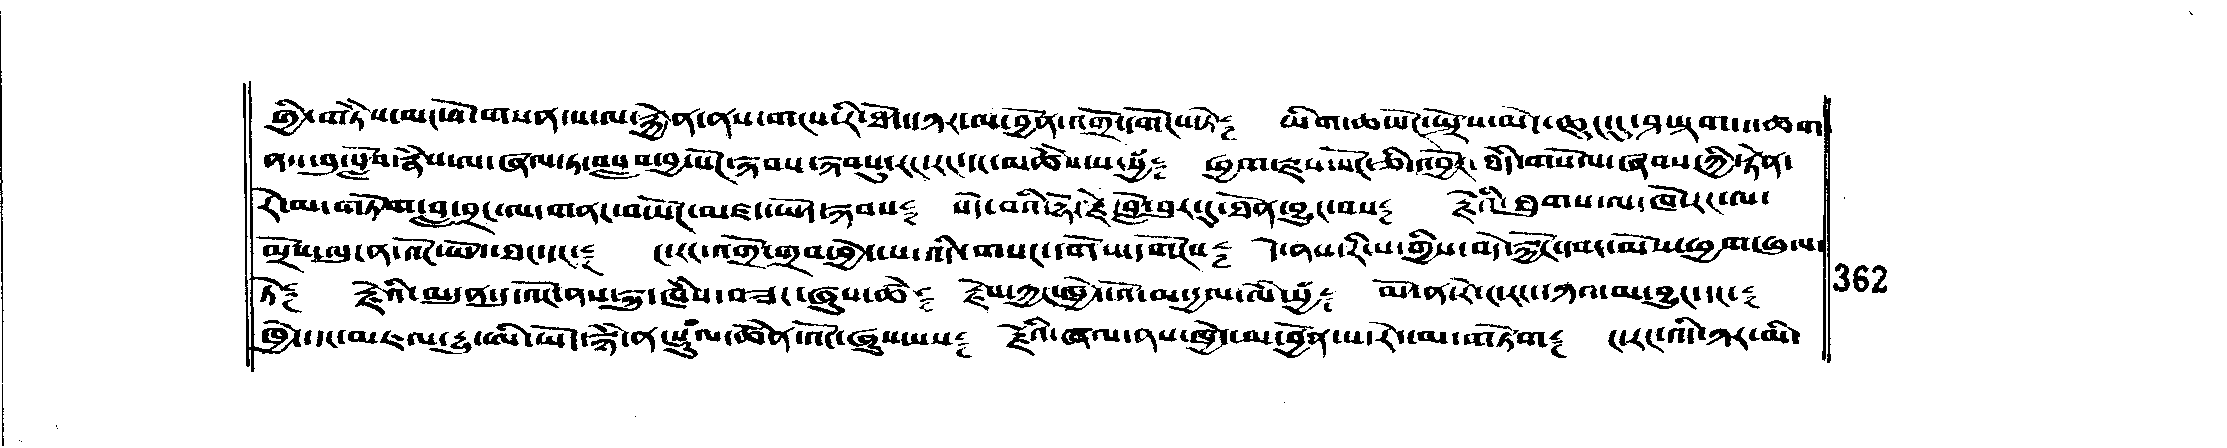གྱི་གཏམ་མང་པོ་གསན་པ་ལ་རྐྱེན་ནས་གངས་རི་ཐོད་དཀར་ལ་བྱོན་འགྲོ་དགོངས་ཏེ། ཡིག་ཆ་སོགས་སྤྲོས་མེད་ཆུང་ངུ་ཤ་སྟག་འཚག་
ནས་བུ་སློབ་རྣམས་ལ་ཞལ་ཏ་བསླབ་བྱ་སོགས་སྐབས་སྐབས་སུ་རང་རང་དང་འཚམས་པ་གསུངས། ཕྱག་རྫས་སོགས་ཅི་འབྱོར་ཐམས་ཅད་གསོལ་ཞབས་ཀྱི་རྟེན་
རེ་མ་གཏོགས་བླ་བྲང་ལ་གནང་བ་སོགས་མཛད་ཡོད་སྐབས། བདེ་བའི་རྡོ་རྗེ་གློ་བུར་དུ་ཐོན་བྱུང་བས། རྗེའི་ཐུགས་ལ་ཁོ་རང་ལ་
མཁའ་འགྲོས་ལུང་བསྟན་འོང་ཡོད་ཐང་དང་། ང་རང་འགྲོ་གྲབས་བྱེད་པ་འདི་གསང་དགོས་དགོངས། དེ་ནས་རིམ་གྱི་བདེ་སྐྱོང་དབང་མོས་ཕྱག་ཕུལ་
ཏེ། རྗེའི་མདུན་དུ་འོང་ནས་སྐུ་ཁམས་བཟང་ཞུས་ཚེ། རྗེས་ཀྱང་ཁྱེད་འོ་མ་རྒྱལ་ལམ་གསུངས། མོ་ན་རེ་ང་རང་དཀའ་མ་བྱུང་དང་། 
ཁྱེད་དང་མཇལ་རྒྱུ་ཨི་ཡོད་སྙམ་ནས་སྡུག་བསྔལ་ཆེན་པོ་འོང་ཞུས་པས། རྗེའི་ཞལ་ནས་ཁྱེད་མ་བྱོན་པ་རེད་མ་གཏོགས། ང་རང་འདི་ཀར་མི་